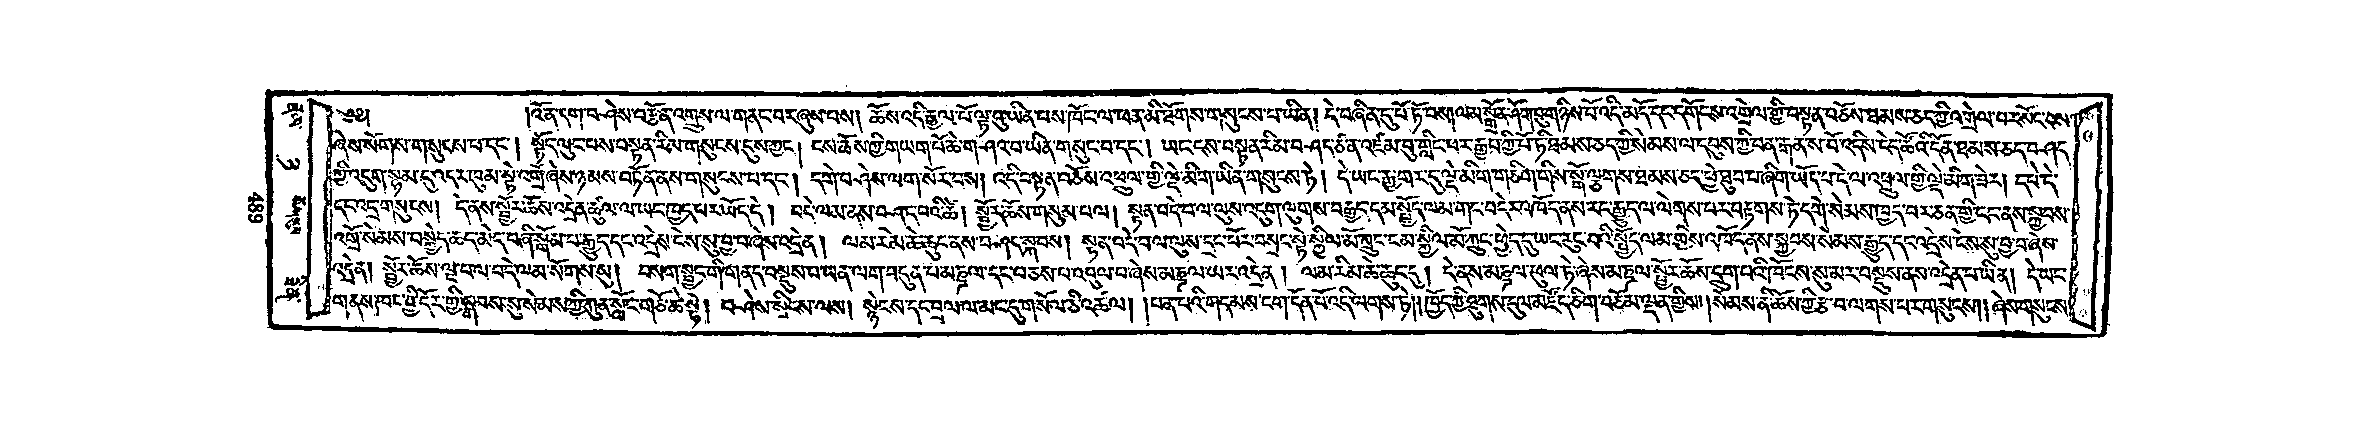༄༅། །འོ་ན་དག་བཤེས་བརྩོན་འགྲུས་ལ་གནང་བར་ཞུས་པས། ཆོས་འདི་རྒྱལ་པོ་ལྟ་བུ་ཡིན་པས་ཁོང་ལ་ཕན་མི་ཐོགས་གསུངས་པ་ཡིན། དེ་བཞིན་དུ་པོ་ཏོ་བས། ལམ་སྒྲོན་ཤོག་བུ་གཉིས་པོ་འདི་མདོ་དང་དགོངས་འགྲེལ་གྱི་བསྟན་བཅོས་ཐམས་ཅད་ཀྱི་འགྲེལ་བར་སོང་བས་
ཞེས་སོགས་གསུངས་པ་དང་། སྟོད་ལུང་པས་བསྟན་རིམ་གསུངས་དུས་ཀྱང་། ངས་ཆོས་ཀྱི་གཡག་པོ་ཆེ་གཤའ་བ་ཡིན་གསུང་བ་དང་། ཡང་ངས་བསྟན་རིམ་བཤད་ཙ་ན་འཛམ་བུ་གླིང་ཕར་རྒྱབ་ཀྱི་པོ་ཏི་ཐམས་ཅད་ཀྱི་སེམས་ལ་དབུས་ཀྱི་བན་རྒན་ས་བོ་འདིས་ངེད་ཚོའི་དོན་ཐམས་ཅད་བཤད་
ཀྱི་འདུག་སྙམ་དུ་འདར་ཁུམ་སྟེ་འགྲོ་ཞེས་ཉམས་བཏོན་ནས་གསུངས་པ་དང་། དགེ་བཤེས་ལག་སོར་བས། འདི་བསྟན་བཅོས་འཕྲུལ་གྱི་ལྡེ་མིག་ཡིན་གསུངས་ཏེ། དེ་ཡང་རྒྱ་གར་དུ་ལྡེ་མིག་གཅིག་གིས་སྒོ་ལྕགས་ཐམས་ཅད་ཕྱེ་ཐུབ་པ་ཞིག་ཡོད་པ་དེ་ལ་འཕྲུལ་གྱི་ལྡེ་མིག་ཟེར། དཔེ་དེ་
དང་འདྲ་གསུངས། དེ་ནས་སྦྱོར་ཆོས་འདྲེན་ཚུལ་ལ་ཡང་ཁྱད་པར་ཡོད་དེ། བདེ་ལམ་ནས་བཤད་པའི་ཚེ། སྦྱོར་ཆོས་གསུམ་པ་ལ། སྟན་བདེ་བ་ལ་ལུས་འདུག་ལུགས་བརྒྱད་དམ་སྤྱོད་ལམ་གང་བདེར་འཁོད་ནས་རང་རྒྱུད་ལ་ལེགས་པར་བརྟགས་ཏེ་དགེ་སེམས་ཁྱད་པར་ཅན་གྱི་ངང་ནས་སྐྱབས་
འགྲོ་སེམས་བསྐྱེད་ཆད་མེད་བཞི་སྒོམ་པ་རྒྱུད་དང་འདྲེས་ངེས་སུ་བྱ་བ་ཞེས་འདྲེན། ལམ་རིམ་ཆེ་ཆུང་ནས་བཤད་སྐབས། སྟན་བདེ་བ་ལ་ལུས་དྲང་པོར་བསྲང་སྟེ་སྐྱིལ་མོ་ཀྲུང་ངམ་སྐྱིལ་མོ་ཀྲུང་ཕྱེད་དུ་ཡང་རུང་བའི་སྤྱོད་ལམ་གྱིས་འཁོད་ནས་སྐྱབས་སེམས་རྒྱུད་དང་འདྲེས་ངེས་སུ་བྱ་བ་ཞེས་
འདྲེན། སྦྱོར་ཆོས་ལྔ་པ་ལ་བདེ་ལམ་སོགས་སུ། བསག་སྦྱང་གི་གནད་བསྡུས་པ་ཡན་ལག་བདུན་པ་མཎྜལ་དང་བཅས་པ་འབུལ་པ་ཞེས་མཎྜལ་ཡར་འདྲེན། ལམ་རིམ་ཆེ་ཆུང་དུ། དེ་ནས་མཎྜལ་ཕུལ་ཏེ་ཞེས་མཎྜལ་སྦྱོར་ཆོས་དྲུག་པའི་ཁོངས་སུ་མར་བསྡུས་ནས་འདྲེན་པ་ཡིན། དེ་ཡང་
གནས་ཁང་བྱི་དོར་གྱི་སྐབས་སུ་སེམས་ཀྱི་ཀུན་སློང་གཙོ་ཆེ་སྟེ། བཤེས་སྲིངས་ལས། སྙེངས་དང་བྲལ་ལ་མང་དུ་གསོལ་ཅི་འཚལ། །པན་པའི་གདམས་ངག་དོན་པོ་འདི་ལགས་ཏེ། །ཁྱོད་ཀྱི་ཐུགས་དུལ་མཛོད་ཅིག་བཅོམ་ལྡན་གྱིས། །སེམས་ནི་ཆོས་ཀྱི་རྩ་བ་ལགས་པར་གསུངས། །ཞེས་གསུངས་